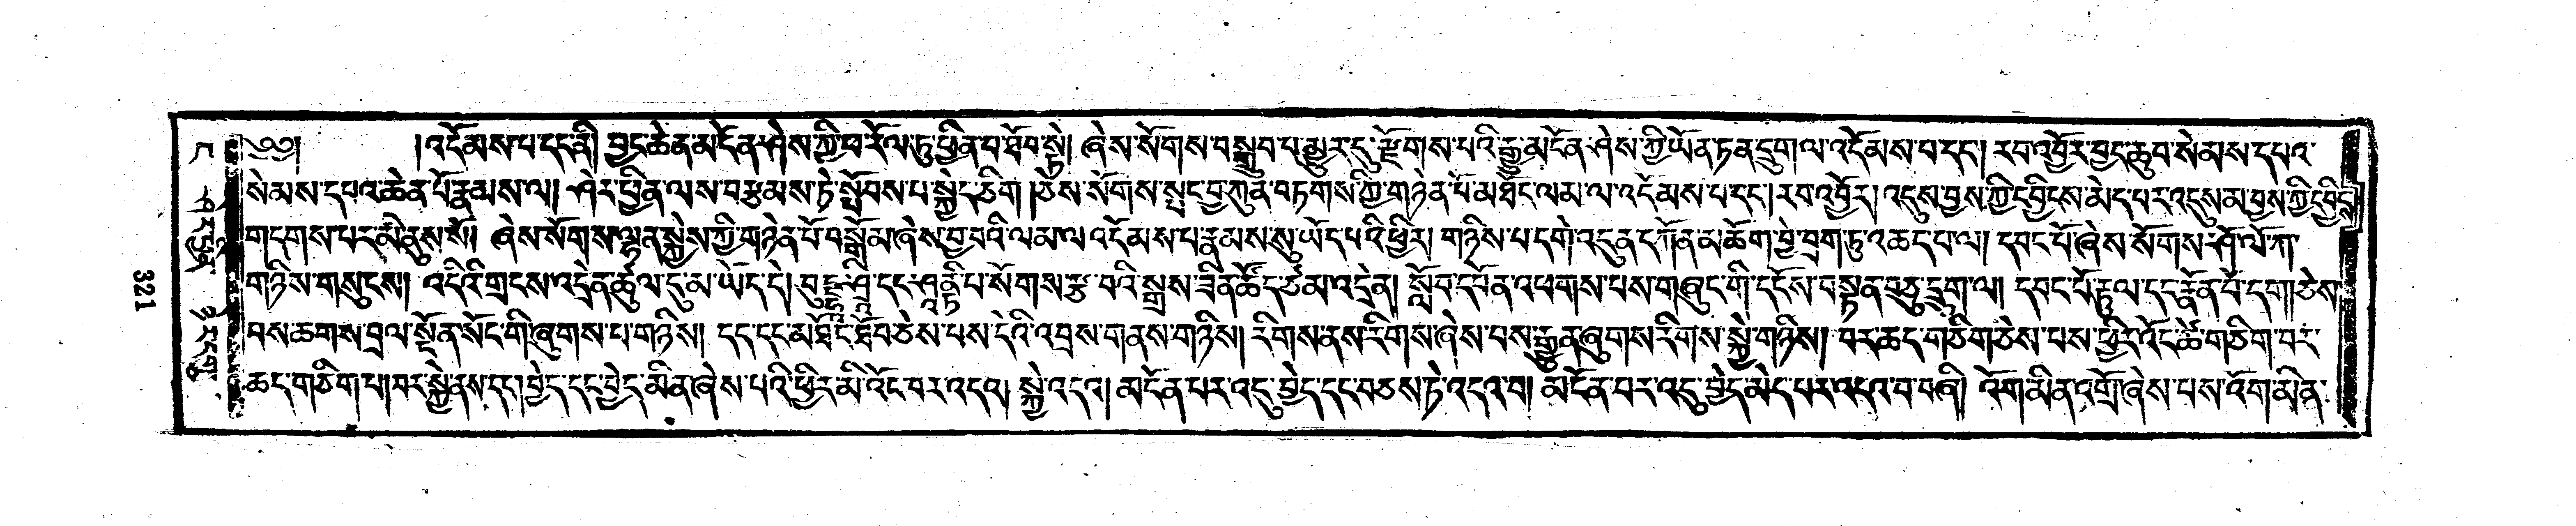༄༅། །འདོམས་པ་དང་ནི། བྱང་ཆེན་མངོན་ཤེས་ཀྱི་ཕ་རོལ་ཏུ་ཕྱིན་པ་ཐོབ་སྟེ། ཞེས་སོགས་བསྒྲུབ་པ་མྱུར་དུ་རྫོགས་པའི་རྒྱུ་མངོན་ཤེས་ཀྱི་ཡོན་ཏན་དྲུག་ལ་འདོམས་པ་དང་། རབ་འབྱོར་བྱང་ཆུབ་སེམས་དཔའ་
སེམས་དཔའ་ཆེན་པོ་རྣམས་ལ། ཤེར་ཕྱིན་ལས་བརྩམས་ཏེ་སྤོབས་པ་སྐྱེད་ཅིག །ཅེས་སོགས་སྤང་བྱ་ཀུན་བཏགས་ཀྱི་གཉེན་པོ་མཐོང་ལམ་ལ་འདོམས་པ་དང་། རབ་འབྱོར། འདུས་བྱས་ཀྱི་དབྱིངས་མེད་པར་འདུས་མ་བྱས་ཀྱི་དབྱིངས་
གདགས་པར་མི་ནུས་སོ། ཞེས་སོགས་ལྷན་སྐྱེས་ཀྱི་གཉེན་པོ་བསྒོམ་ཞེས་བྱ་བའི་ལམ་ལ་འདོམས་པ་རྣམས་སུ་ཡོད་པའི་ཕྱིར། གཉིས་པ་དགེ་འདུན་དཀོན་མཆོག་བྱེ་བྲག་ཏུ་འཆད་པ་ལ། དབང་པོ་ཞེས་སོགས་ཤོ་ལོ་ཀ་
གཉིས་གསུངས། འདིའི་གྲངས་འདྲེན་ཚུལ་དུ་མ་ཡོད་དེ། བུདྡྷཱ་ཤྲཱི་དང་ཤནྟི་པ་སོགས་རྩ་བའི་སྒྲས་ཟིན་ཚོད་ཙམ་འདྲེན། སློབ་དཔོན་འཕགས་པས་གཞུང་གི་དངོས་བསྟན་བཅུ་དྲུག་ལ། དབང་པོ་རྟུལ་དང་རྣོན་པོ་དག །ཅེས་
པས་ཆགས་བྲལ་སྔོན་སོང་གི་ཞུགས་པ་གཉིས། དད་དང་མཐོང་ཐོབ་ཅེས་པས་དེའི་འབྲས་གནས་གཉིས། རིགས་ནས་རིགས་ཞེས་པས་རྒྱུན་ཞུགས་རིགས་སྐྱེ་གཉིས། བར་ཆད་གཅིག་ཅེས་པས་ཕྱིར་འོང་ཚེ་གཅིག་བར་
ཆད་གཅིག་པ། བར་སྐྱེ་ནས་དང་། བྱེད་དང་བྱེད་མིན་ཞེས་པའི་ཕྱིར་མི་འོང་བར་འདའ། སྐྱེ་འདའ། མངོན་པར་འདུ་བྱེད་དང་བཅས་ཏེ་འདའ་བ། མངོན་པར་འདུ་བྱེད་མེད་པར་འདའ་བ་བཞི། འོག་མིན་འགྲོ་ཞེས་པས་འོག་མིན་